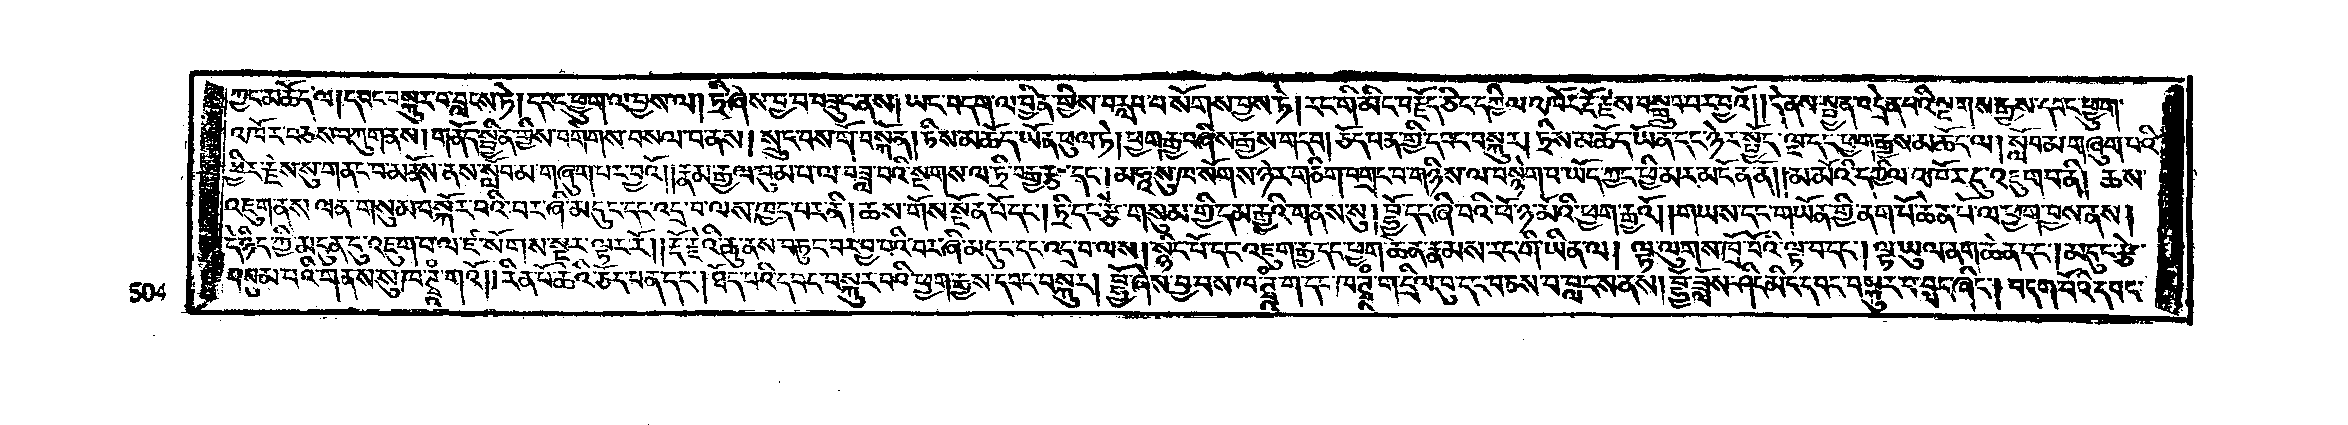ཀྱང་མཆོད་ལ། དབང་བསྐུར་བ་བླངས་ཏེ། དབང་ཕྱུག་ལ་བྱས་ལ། ཏྲི་ཞེས་བྱ་བ་བཟུང་ནས། ཡང་བདག་ལ་བྱིན་གྱིས་བརླབ་པ་སོགས་བྱས་ཏེ། རང་གི་མིང་བརྗོད་ཅིང་དཀྱིལ་འཁོར་རྡོ་རྗེས་བསྒྲུབ་པར་བྱའོ། །དེ་ནས་སྤྱན་འདྲེན་པའི་སྔགས་རྒྱས་དབང་ཕྱུག་
འཁོར་བཅས་བཀུག་ནས། གནོད་སྦྱིན་གྱིས་བགེགས་བསལ་བ་ནས། སྲུང་བས་གོ་བསྐོན། ཏིས་?་མཆོད་ཡོན་ཕུལ་ཏེ། ཕྱག་རྒྱ་བཞིས་རྒྱས་གདབ། ཅོད་པན་གྱི་དབང་བསྐུར། ཏྲིས་མཆོད་ཡོན་དང་ཉེར་སྤྱོད་ལྔ་དང་ཕྱག་རྒྱས་མཆོད་ལ། སློབ་མ་གཞུག་པའི་
ཕྱིར་རྗེས་སུ་གནང་བ་མནོས་ནས་སློབ་མ་གཞུག་པར་བྱའོ། །རྣམ་རྒྱལ་བུམ་པ་ལ་བཟླ་བའི་སྔགས་ལ་ཏྲི་བརྒྱ་རྩ་དང་། མཧཱ་སུ་ཁ་སོགས་ཉེར་གཅིག་བགྲང་བ་གཉིས་ལ་བསྙེག་པ་ཡོད་ཀྱང་ཕྱི་མར་མངོན་ནོ། །མ་མོའི་དཀྱིལ་འཁོར་དུ་འཇུག་པ་ནི། ཆས་
འཇུག་ནས་ལན་གསུམ་བསྐོར་བའི་བར་ཞི་མདུང་དང་འདྲ་བ་ལས་ཁྱད་པར་ནི། ཆས་གོས་སྔོན་པོ་དང་། ཏྲི་དང་རྩེ་གསུམ་གྱི་དམ་རྒྱའི་གནས་སུ། བྷྱོ་དང་ཞི་བའི་ཕོ་ཉ་མོའི་ཕྱག་རྒྱའོ། །གཡས་དང་གཡོན་གྱི་ནག་པོ་ཆེན་པོ་ལ་ཕྱག་བྱས་ནས།
དེ་ཉིད་ཀྱི་མདུན་དུ་འཇུག་པ་ལ་ཛ་སོགས་སྔར་ལྟར་རོ། །རྡོ་རྗེའི་ཆུ་ནས་བཏུང་བར་བྱ་བའི་བར་ཞི་མདུང་དང་འདྲ་བ་ལས། སྙིང་པོ་དང་འཇུག་རྒྱ་དང་ཕྱག་ཆེན་རྣམས་རང་གི་ཡིན་ལ། ལྟ་ལུགས་ཁྲོ་བོའི་ལྟ་བ་དང་། ལྟ་ཡུལ་ནག་ཆེན་དང་། མདུང་རྩེ་
གསུམ་པའི་གནས་སུ་ཁ་ཊྭཱཾ་གའོ། །རིན་པོ་ཆེའི་ཅོད་པན་དང་། ཐོད་པའི་དབང་བསྐུར་བའི་ཕྱག་རྒྱས་དབང་བསྐུར། བྷྱོ་ཞེས་བྱ་བས་ཁ་ཊྭཱཾ་ག་དང་ཁ་ཊྭཱཾ་ག་དྲིལ་བུ་དང་བཅས་པ་བླངས་ནས། བྷྱོ་ཟློས་ཤིང་མིང་དབང་བསྐུར་བ་བླང་ཞིང་། བདག་པོའི་དབང་